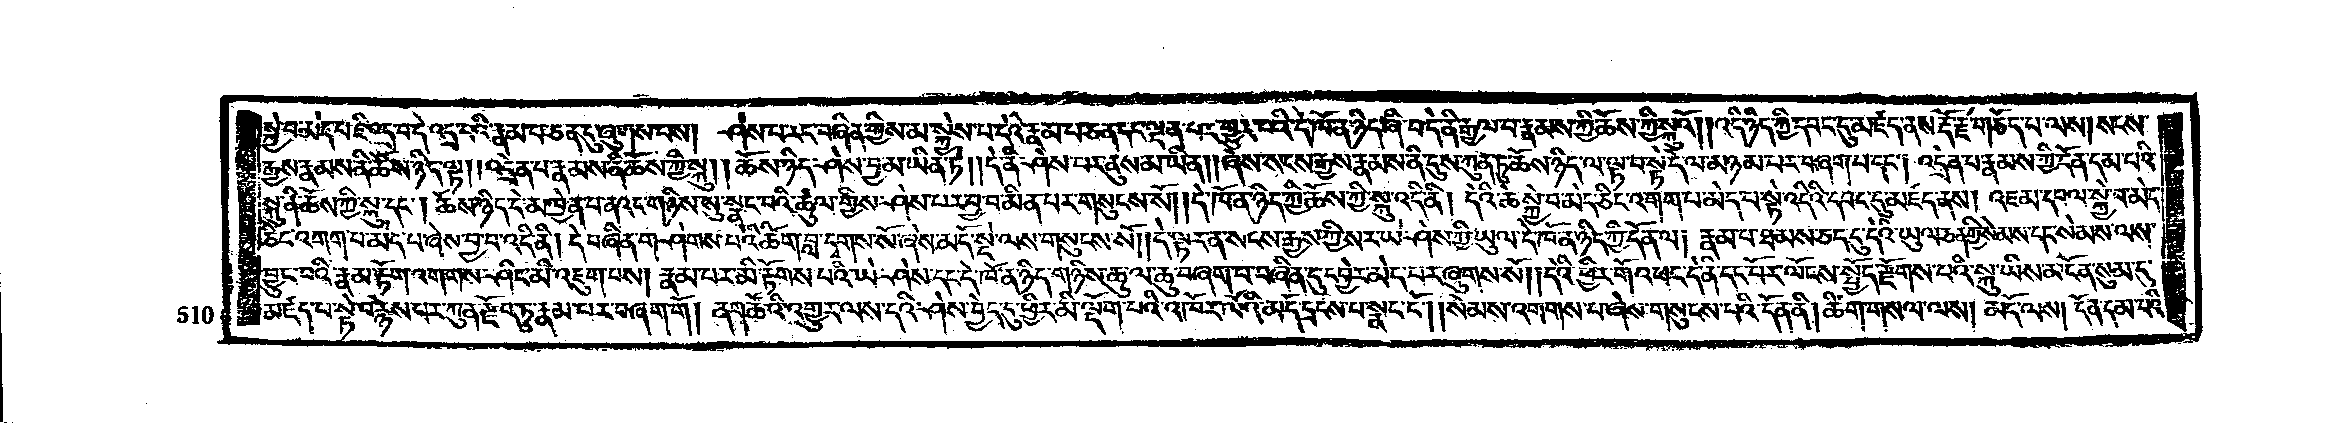སྐྱེ་བ་མེད་པ་ཇི་འདྲ་བ་དེ་འདྲ་བའི་རྣམ་བ་ཅན་དུ་ཞུགས་པས། ཤེས་པ་རང་བཞིན་གྱིས་མ་སྐྱེས་པ་དེའི་རྣམ་པ་ཅན་དང་ལྡན་པར་གྱུར་བའི་དེ་ཁོ་ན་ཉིད་ཞི་བ་དེ་ནི་རྒྱལ་བ་རྣམས་ཀྱི་ཆོས་ཀྱི་སྐུའོ། །འདི་ཉིད་ཀྱི་དབང་དུ་མཛད་ནས་རྡོ་རྗེ་གཅོད་པ་ལས། སངས་
རྒྱས་རྣམས་ནི་ཆོས་ཉིད་ལྟ། །འདྲེན་པ་རྣམས་ནི་ཆོས་ཀྱི་སྐུ། །ཆོས་ཉིད་ཤེས་བྱ་མ་ཡིན་ཏེ། །དེ་ནི་ཤེས་པར་ནུས་མ་ཡིན། །ཞེས་སངས་རྒྱས་རྣམས་ནི་དུས་ཀུན་ཏུ་ཆོས་ཉིད་ལ་ལྟ་བ་སྟེ་དེ་ལ་མཉམ་པར་བཞག་པ་དང་། འདྲེན་པ་རྣམས་ཀྱི་དོན་དམ་པའི་
སྐུ་ནི་ཆོས་ཀྱི་སྐུ་དང་། ཆོས་ཉིད་དེ་མཁྱེན་པ་ནའང་གཉིས་སུ་སྣང་བའི་ཚུལ་གྱིས་ཤེས་པར་བྱ་བ་མིན་པར་གསུངས་སོ། །དེ་ཁོ་ན་ཉིད་ཀྱི་ཆོས་ཀྱི་སྐུ་འདི་ནི། དེའི་ཚེ་སྐྱེ་བ་མེད་ཅིང་འགག་པ་མེད་པ་སྟེ་འདིའི་དབང་དུ་མཛད་ནས། འཇམ་དཔལ་སྐྱེ་བ་མེད་
ཅིང་འགག་པ་མེད་པ་ཞེས་བྱ་བ་འདི་ནི། དེ་བཞིན་གཤེགས་པའི་ཚིག་བླ་དྭགས་སོ་ཞེས་མདོ་སྡེ་ལས་གསུངས་སོ། །དེ་ལྟར་ན་སངས་རྒྱས་ཀྱི་སར་ཡེ་ཤེས་ཀྱི་ཡུལ་དེ་ཁོ་ན་ཉིད་ཀྱི་དོན་ལ། རྣམ་པ་ཐམས་ཅད་དུ་དེའི་ཡུལ་ཅན་གྱི་སེམས་དང་སེམས་ལས་
བྱུང་བའི་རྣམ་རྟོག་འགགས་ཤིང་མི་འཇུག་པས། རྣམ་པར་མི་རྟོགས་པའི་ཡེ་ཤེས་དང་དེ་ཁོ་ན་ཉིད་གཉིས་ཆུ་ལ་ཆུ་བཞག་པ་བཞིན་དུ་དབྱེར་མེད་པར་ཞུགས་སོ། །དེའི་ཕྱིར་གོ་འཕང་དེ་ནི་དང་པོར་ལོངས་སྤྱོད་རྫོགས་པའི་སྐུ་ཡིས་མངོན་སུམ་དུ་
མཛད་པ་སྟེ་བརྙེས་བར་ཀུན་རྫོབ་ཏུ་རྣམ་པར་བཞག་གོ །ནག་ཚོའི་འགྱུར་ལས། དེའི་ཤེས་བྱེད་དུ་ཕྱིར་མི་ལྡོག་པའི་འཁོར་ལོའི་མདོ་དྲངས་པ་སྣང་ངོ། །སེམས་འགགས་པ་ཞེས་གསུངས་པའི་དོན་ནི། ཚིག་གསལ་ལས། མདོ་ལས། དོན་དམ་པའི་